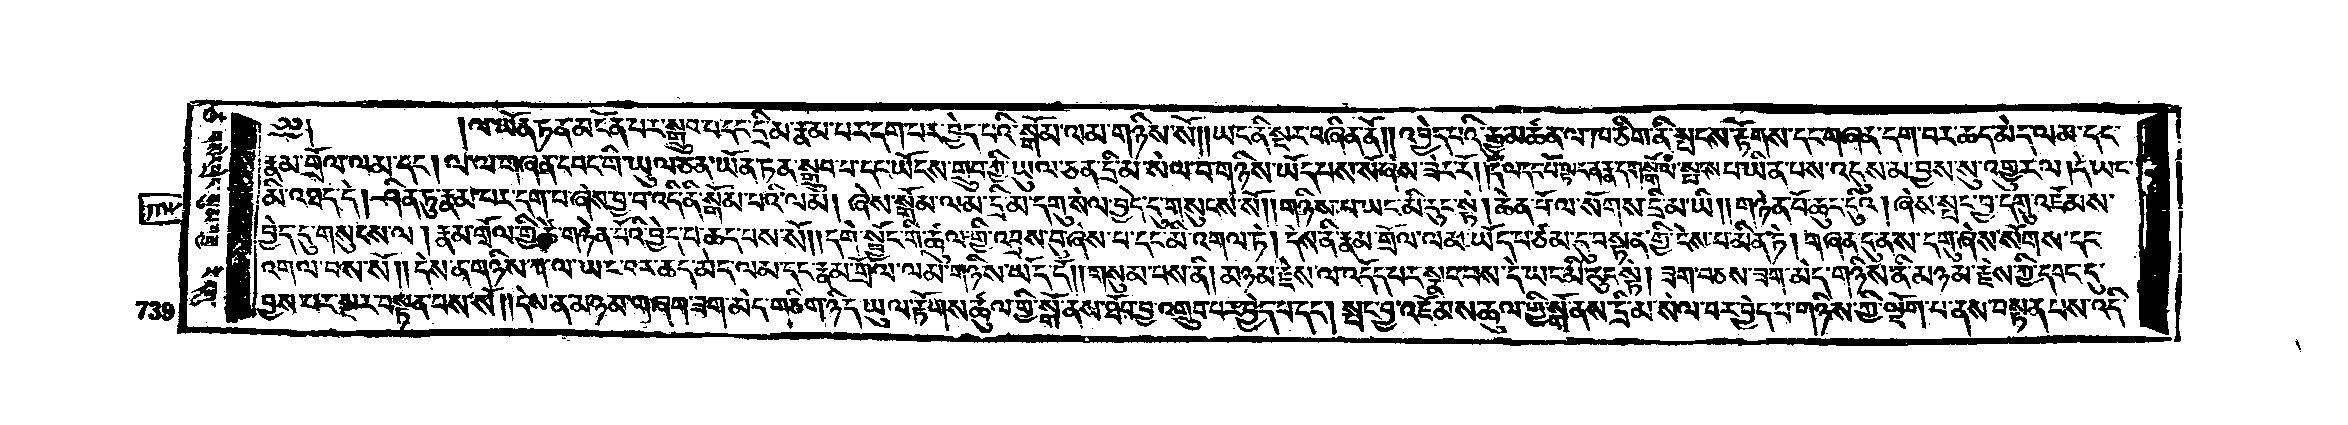༄༅། །ལ་ཡོན་ཏན་མངོན་པར་སྒྲུབ་པ་དང་དྲི་མ་རྣམ་པར་དག་པར་བྱེད་པའི་སྒོམ་ལམ་གཉིས་སོ། །ཡང་ནི་སྔར་བཞིན་ནོ། །འབྱེད་པའི་རྒྱུ་མཚན་ལ་ཁ་ཅིག་ནི་སྤངས་རྟོགས་དང་གཞན་དག་བར་ཆད་མེད་ལམ་དང་
རྣམ་གྲོལ་ལམ་དང་། ལ་ལ་གཞན་དབང་གི་ཡུལ་ཅན་ཡོན་ཏན་སྒྲུབ་པ་དང་ཡོངས་གྲུབ་ཀྱི་ཡུལ་ཅན་དྲི་མ་སེལ་བ་གཉིས་ཡོད་པས་སོ་ཞེས་ཟེར་རོ། །དེ་ལ་དང་པོ་ལྟར་ན་རྣ་དག་སྒྲིལ་སྤངས་པ་ཡིན་པས་འདུས་མ་བྱས་སུ་འགྱུར་ལ། དེ་ཡང་
མི་འཐད་དེ། ཤིན་ཏུ་རྣམ་པར་དག་པ་ཞེས་བྱ་བ་འདི་ནི་སྒོམ་པའི་ལམ། ཞེས་སྒོམ་ལམ་དྲི་མ་དགུ་སེལ་བྱད་དུ་གསུངས་སོ། །གཉིས་པ་ཡང་མི་རུང་སྟེ། ཆེན་པོ་ལ་སོགས་དྲི་མ་ཡི། །གཉེན་པོ་ཆུང་ངུའི། ཞེས་སྤང་བྱ་དགུ་འཇོམས་
བྱེད་དུ་གསུངས་ལ། རྣམ་གྲོལ་གྱི་ཚེ་གཉེན་པོའི་བྱེད་པ་ཆད་པས་སོ། །དགེ་སྦྱོང་གི་ཚུལ་གྱི་འབྲས་བུ་ཞེས་པ་དང་མི་འགལ་ཏེ། དེས་ནི་རྣམ་གྲོལ་ལམ་ཡོད་པ་ཙམ་དུ་བསྟན་གྱི་ངེས་པ་མིན་ཏེ། གཞན་དུ་ན་ས་དགུ་ཞེས་སོགས་དང་
འགལ་བས་སོ། །དེས་ན་གཉིས་ཀ་ལ་ཡང་བར་ཆད་མེད་ལམ་དང་རྣམ་གྲོལ་ལམ་གཉིས་ཡོད་དོ། །གསུམ་པས་ནི། མཉམ་རྗེས་ལ་འདོད་པར་སྣང་བས་དེ་ཡང་མི་རུང་སྟེ། ཟག་བཅས་ཟག་མེད་གཉིས་ནི་མཉམ་རྗེས་ཀྱི་དབང་དུ་
བྱས་པར་སྔར་བསྟན་པས་སོ། །དེས་ན་མཉམ་གཞག་ཟག་མེད་གཅིག་ཉིད་ཡུལ་རྟོགས་ཚུལ་གྱི་སྒོ་ནས་ཐོབ་བྱ་འགྲུབ་པར་བྱེད་པ་དང་། སྤང་བྱ་འཇོམས་ཆུལ་གྱི་སྒོ་ནས་དྲི་མ་སེལ་བར་བྱེད་པ་གཉིས་ཀྱི་ལྡོག་པ་ནས་བསྟན་པས་འདི་